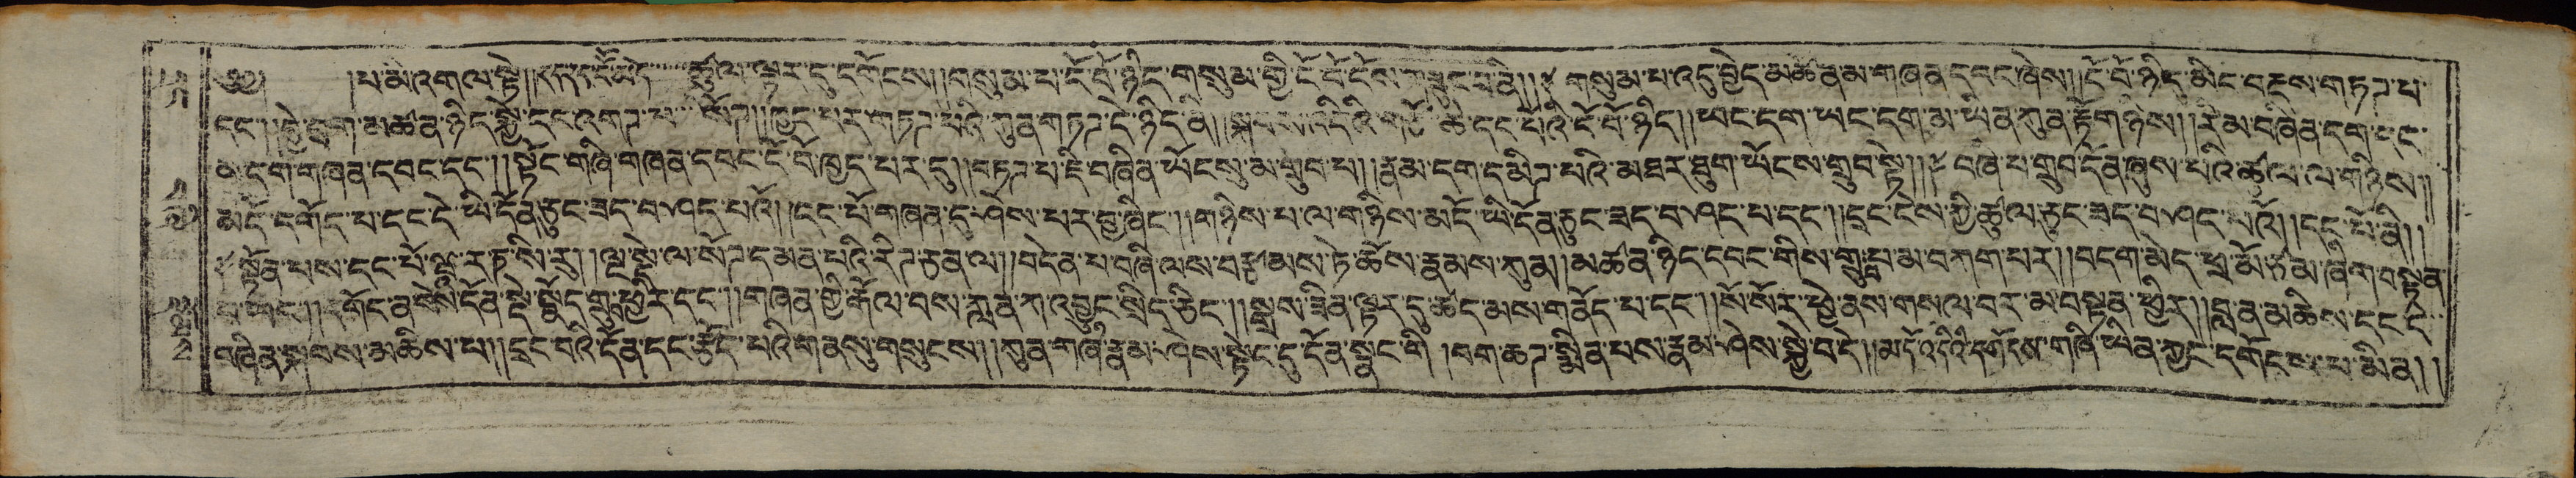༄༅། །པ་མི་འགལ་སྟེ། །རང་རང་ངོ་བོ་མེད་ཚུལ་ལྟར་དུ་དགོངས། །གསུམ་པ་ངོ་བོ་ཉིད་གསུམ་གྱི་ངོ་བོ་ངོས་གཟུང་བ་ནི། ༈ །གསུམ་པ་འདུ་བྱེད་མཚན་མ་གཞན་དབང་ཞེས། །ངོ་བོ་ཉིད་དུ་མིང་བརྡས་གཏགས་པ་
དང་། །བྱེ་བྲག་མཚན་ཉིད་སྐྱེ་དང་འགགས་པ་སོགས། །ཁྱད་པར་གཏགས་པའི་ཀུན་གཏགས་དེ་ཉིད་ནི། །སྐབས་འདིའི་གཙོ་ཆེ་དང་པོའི་ངོ་བོ་ཉིད། །ཡང་དག་ཡང་དག་མ་ཡིན་ཀུན་རྟོག་གཉིས། །རིམ་བཞིན་དག་དང་
མ་དག་གཞན་དབང་དང་། །སྟོང་གཞི་གཞན་དབང་ངོ་བོ་ཁྱད་པར་དུ། །བཏགས་པ་ཇི་བཞིན་ཡོངས་སུ་མ་གྲུབ་པ། །རྣམ་དག་དམིགས་པའི་མཐར་ཐུག་ཡོངས་གྲུབ་སྟེ། ༈ །བཞི་པ་གྲུབ་དོན་ཞུས་པའི་ཚུལ་ལ་གཉིས། །
མདོ་དགོད་པ་དང་དེ་ཡི་དོན་ཅུང་ཟད་བཤད་པའོ། །དང་པོ་གཞན་དུ་ཤེས་པར་བྱ་ཞིང་། །གཉིས་པ་ལ་གཉིས་མདོ་ཡི་དོན་ཅུང་ཟད་བཤད་པ་དང་། །དྲང་ངེས་ཀྱི་ཚུལ་ཅུང་ཟད་བཤད་པའོ། །དང་པོ་ནི། ༈ །
སྟོན་པས་དང་པོ་ཝཱ་ར་ཎ་སི་རུ། །ལྔ་སྡེ་ལ་སོགས་དམན་པའི་རིགས་ཅན་ལ། །བདེན་པ་བཞི་ལས་བརྩམས་ཏེ་ཆོས་རྣམས་ཀུན། །མཚན་ཉིད་དབང་གིས་གྲུབ་པ་མ་བཀག་པར། །བདག་མེད་ཕྲ་མོ་ཙམ་ཞིག་བསྟན་
པ་ཡང་། །གོང་ན་ངེས་དོན་སྡེ་སྣོད་གྲུབ་ཕྱིར་དང་། །གཞན་གྱི་རྒོལ་བས་ཀླན་ཀ་འབྱུང་སྲིད་ཅིང་། །སྒྲས་ཟིན་ལྟར་དུ་ཚད་མས་གནོད་པ་དང་། །སོ་སོར་ཕྱེ་ནས་གསལ་བར་མ་བསྟན་ཕྱིར། །བླ་ན་མཆིས་དང་དེ་
བཞིན་སྐབས་མཆིས་པ། །དྲང་བའི་དོན་དང་རྩོད་པའི་གནས་སུ་གསུངས། །ཀུན་གཞི་རྣམ་ཤེས་སྟེང་དུ་དོན་སྣང་གི །བག་ཆགས་སྨིན་པས་རྣམ་ཤེས་སྐྱེ་བ་དེ། །མདོ་འདིའི་དགོངས་གཞི་ཡིན་ཀྱང་དགོངས་པ་མིན། །